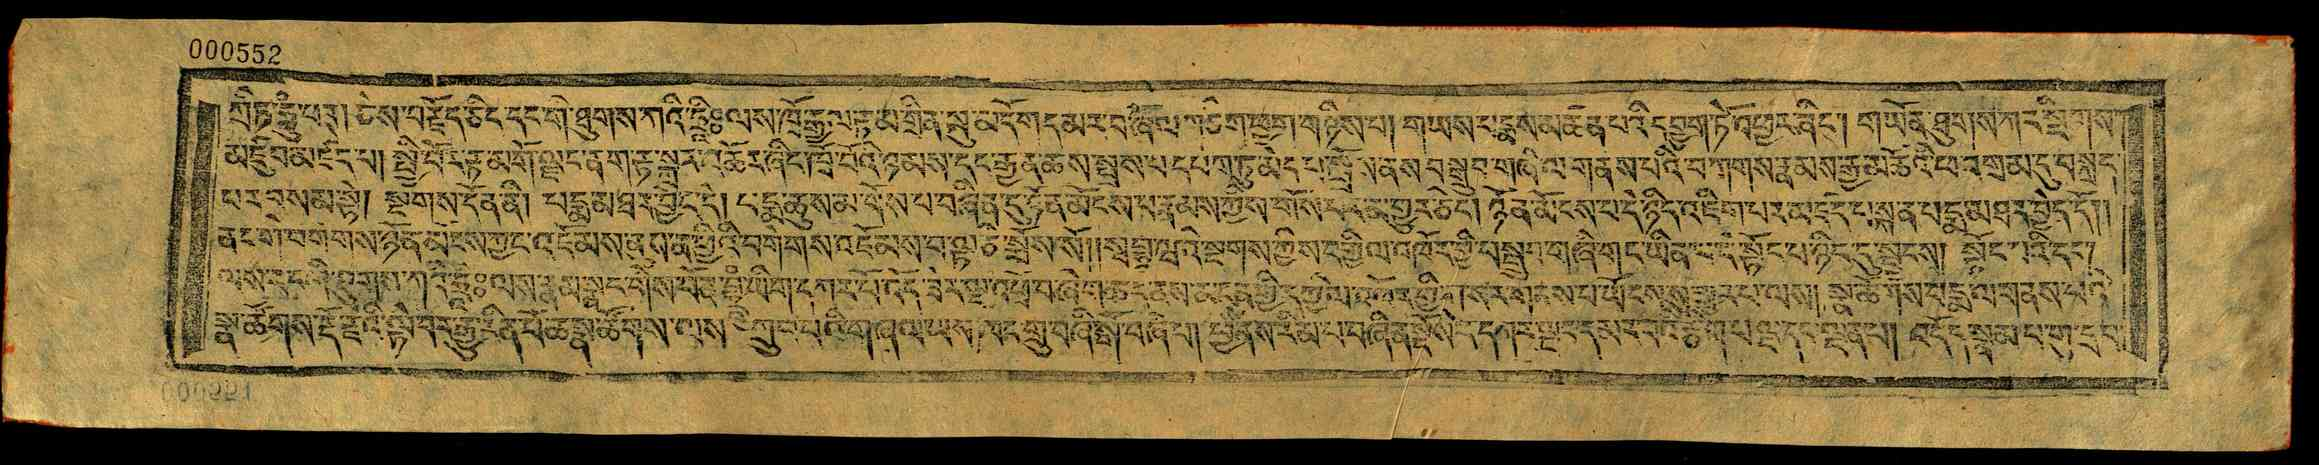ཀྲིཏ་ཧཱུཾ་ཕཊ། ཅེས་བརྗོད་ཅིང་རང་གི་ཐུགས་ཀའི་ཧྲཱིཿ ལས་ཁྲོ་རྒྱལ་རྟ་མགྲིན་སྐུ་མདོག་དམར་པོ་ཞལ་གཅིག་ཕྱག་གཉིས་པ། གཡས་པདམས་མཚན་པའི་དབྱུག་ཏོ་འཕྱར་ཞིང་། གཡོན་ཐུགས་ཀར་སྡིགས་
མཛུབ་མཛད་པ། སྤྱི་བོར་རྟ་མགོ་ལྗང་ནག་རྟ་སྐྲ་ད་འི་ཚེར་ཞིང་ཁྲོ་བོའི་ཉམས་དང་རྒྱན་ཆས་སྤྲས་པ་དཔག་ཏུ་མེད་པ་སྤྲོས་ནས་བསྒྲུབ་གཞི་ལ་གནས་པའི་བགེགས་རྣམས་རྒྱ་མཚོའི་ཕ་འགྲམ་དུ་བསྐྲད་
པར་བསམ་སྟེ། སྔགས་དོན་ནི། པདམ་མཐར་བྱེད་དེ། པདམ་ཆུས་མ་གོས་པ་བཞིན་དུ་ཉོན་མོངས་པ་རྣམས་ཀྱིས་གོས་པར་མ་གྱུར་ཅིང་། ཉོན་མོངས་པ་དེ་ཉིད་འཇིག་པར་མཛད་པར་མཛད་པས་ན་པདམ་མཐར་བྱེད་དོ།།
ནང་གི་བགེགས་ཉོན་མོངས་ཀྱང་འཇོམས་ནུས་ན་ཕྱིའི་བགེགས་འཇོམས་པ་ལྟ་ཅི་སྨོས་སོ། །སྭ་བྷཱ་ཝའི་སྡགས་ཀྱིས་དཀྱིལ་འཁོར་གྱི་བསྒྲུབ་གཞི་གང་ཡིན་པ་དེ་སྟོང་པ་ཉིང་དུ་སྦྱངས། སྟོང་པའི་ངང་
ལས་རང་གི་ཐུགས་ཀའི་ཧྲཱིཿ ལས་རྣམ་སྣང་གི་ས་བོན་བྷྲཱུཾ་ཡིག་དཀར་པོ་འོད་ཟེར་ལྔ་འཕྲོ་བ་ཞིག་ཆད་ནས་མདུན་གྱི་དཀྱིལ་འཁོར་གྱི་གོ་སར་གནས་པ་ཡོངས་སུ་གྱུར་པ་ལས། སྣ་ཚོགས་པདམ་ལ་གནས་པའི་
སྣ་ཚོགས་རྡོ་རྗེའི་ལྟེ་བར་རྒྱུ་རིན་པོ་ཆེ་སྣ་ཚོགས་ལས་གྲུབ་པའི་གཞལ་ཡས་ཁད་གྲུ་བཞི་སྒོ་བཞི་པ། ཕྱི་ནས་རིམ་པ་བཞིན་སྔོ་སེར་དཀར་ལྡང་དམར་བའི་རྩིག་པ་ལྔ་དང་ལྡན་པ། འདོད་སྣ་མ་ཕ་གུ་དྲ་བ་